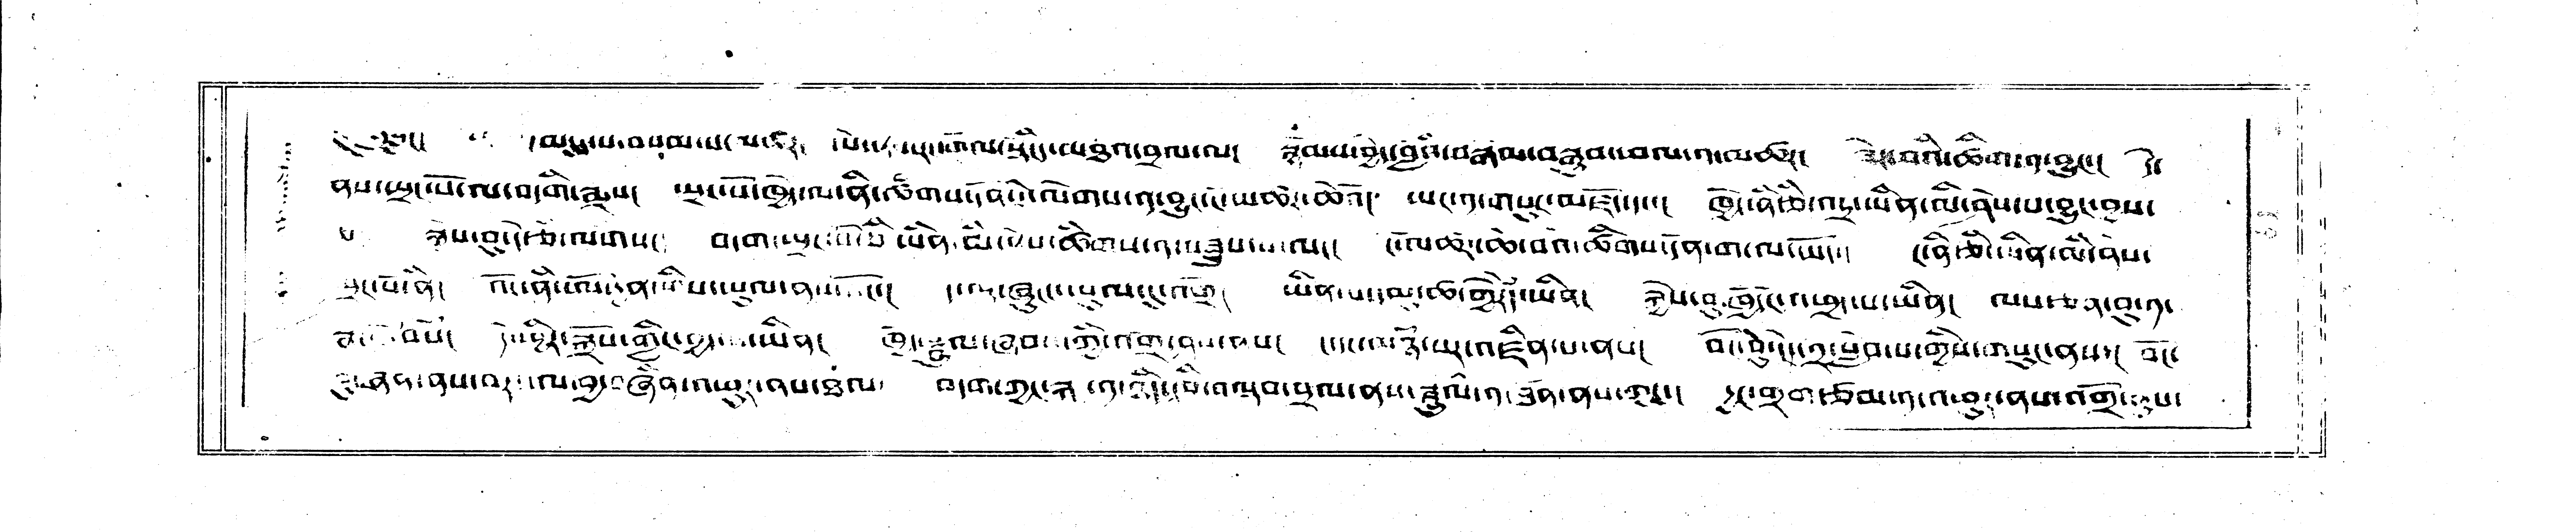མདུད་པ་བསྡམ་པ་མཚར། །ཡེ་ནས་རང་གྲོལ་སྟོང་ཉིད་མཐའ་བྲལ་ལ། སྙོམས་བྱེད་བླ་མའི་བསྒོམ་བསྒྲུབ་ཕལ་གཅིག་མཚར། ཟེར་བའི་ཚིག་གཅིག་བྱུང་། དེ་
ནས་སྤྲང་པོ་ལ་བདག་གིས་སྨྲས། སྤྲང་པོ་ཁྱེད་ལ་ནི་ཚིག་དོན་དེ་ལེགས་གཅིག་བྱུང་ངོ་མཚར་ཆེའོ། ཡང་གཅིག་གསུང་མཛོད་དང་། ཁྱོད་ནི་ཅི་འདྲ་ཡིན་མི་ཤེས་པ་བྱུང་བྱས་
པ། སྐྱེས་བུ་དེ་ཙམ་ལགས། བདག་སྤྲང་པོ་ཅི་ཡིན་མི་ཤེས་ཚིག་གཅིག་བཟླས་པ་ལ། ངོ་མཚར་ཆེ་བའི་ཚིག་དོན་ག་ལ་ཡོད། ང་ནི་ཅི་ཡིན་མི་ཤེས་
སྤྲང་པོ་ནི། འོང་ནི་ཨོ་རྒྱན་གིས་ཡུལ་ནས་འོང་། ད་ལྟ་ཞང་ཞུང་ཡུལ་དུ་འགྲོ། ཡིན་པ་དམུ་ཚ་གྱེར་མེད་ཡིན། སྐྱེས་བུ་ཁྱོད་དང་འཕྲད་པ་ཡིན། ལས་ཅན་བུ་
སྣང་ངོ་བསམ། དེ་ཕྱིར་སྒྲོས་གླེང་བྱས་པ་ཡིན། ཁྱེད་རྫུ་འཕྲུལ་ཞབས་ཀྱིས་འགྲོ་ཤེས་ན། ང་དང་མཉམ་པར་འཛིན་པ་ནས། བོང་བུ་ངེད་གཉིས་སླེབ་པ་གྱིས་གསུངས་ནས། བོང་
བུ་ཞོན་ནས་བར་སྣང་ལ་བྱ་བཞིན་འཕུར་ནས་ཐལ། བདག་ཀྱང་སྐད་གཅིག་ཉིད་རྩི་བལྟབ་༼རྩིས་གདབ༽བྲལ་ནས་རྫུ་འཕྲུལ་གཅིག་ཐོན་ནས་ཀྱང་། རྒྱང་གྲག་ཙམ་གཅིག་འཕུར་ནས་འགྲོ་ནུས་